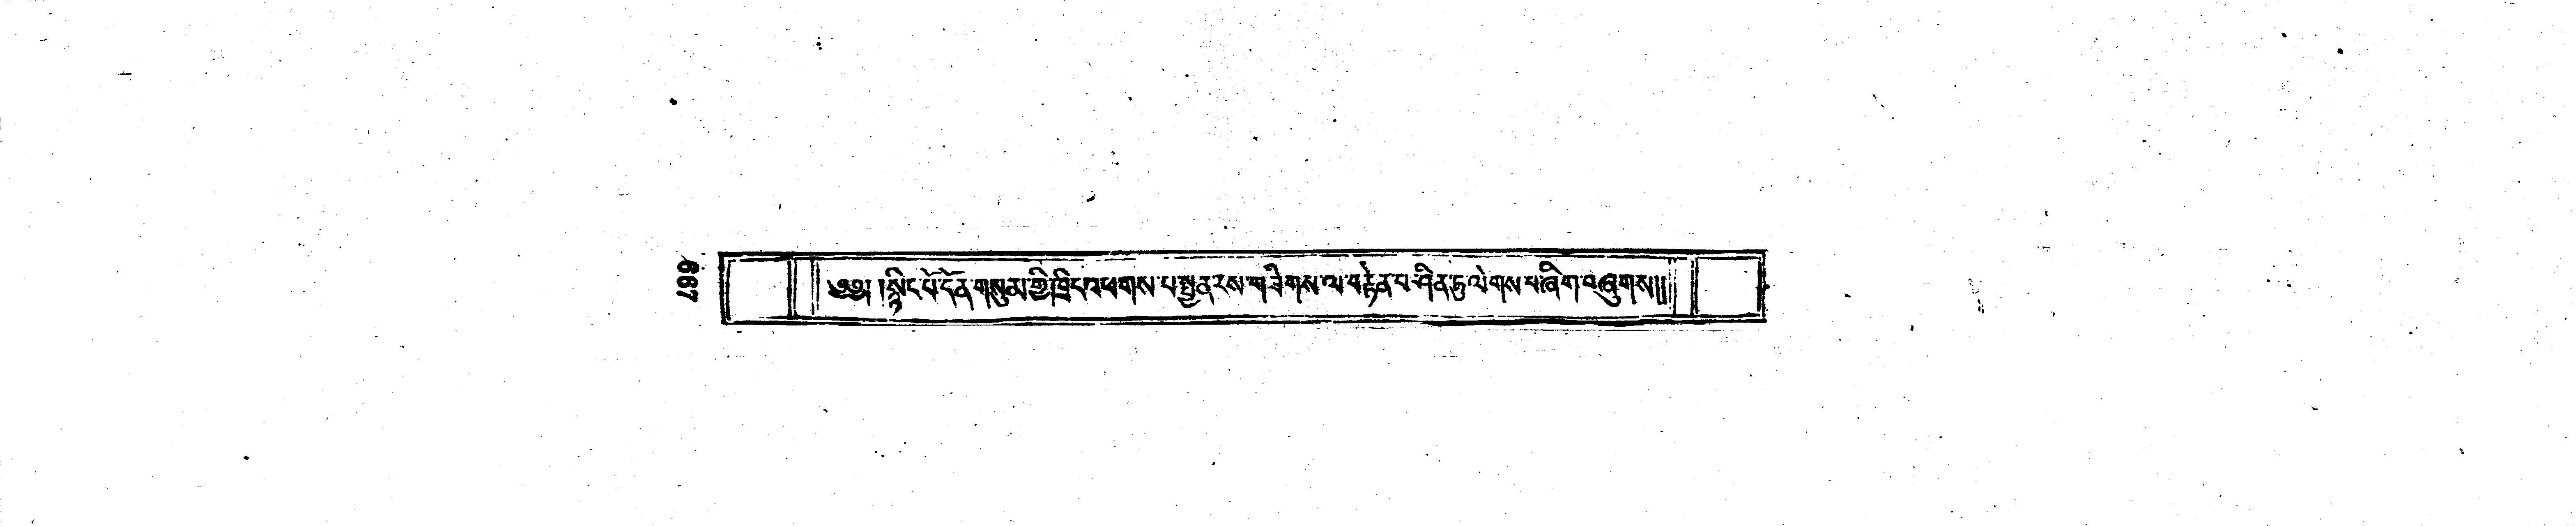༄༅། །སྙིང་པོ་དོན་གསུམ་གྱི་ཁྲིད་འཕགས་པ་སྤྱན་རས་གཟིགས་ལ་བརྟེན་པ་ཤིན་ཏུ་ལེགས་པ་ཞིག་བཞུགས།།